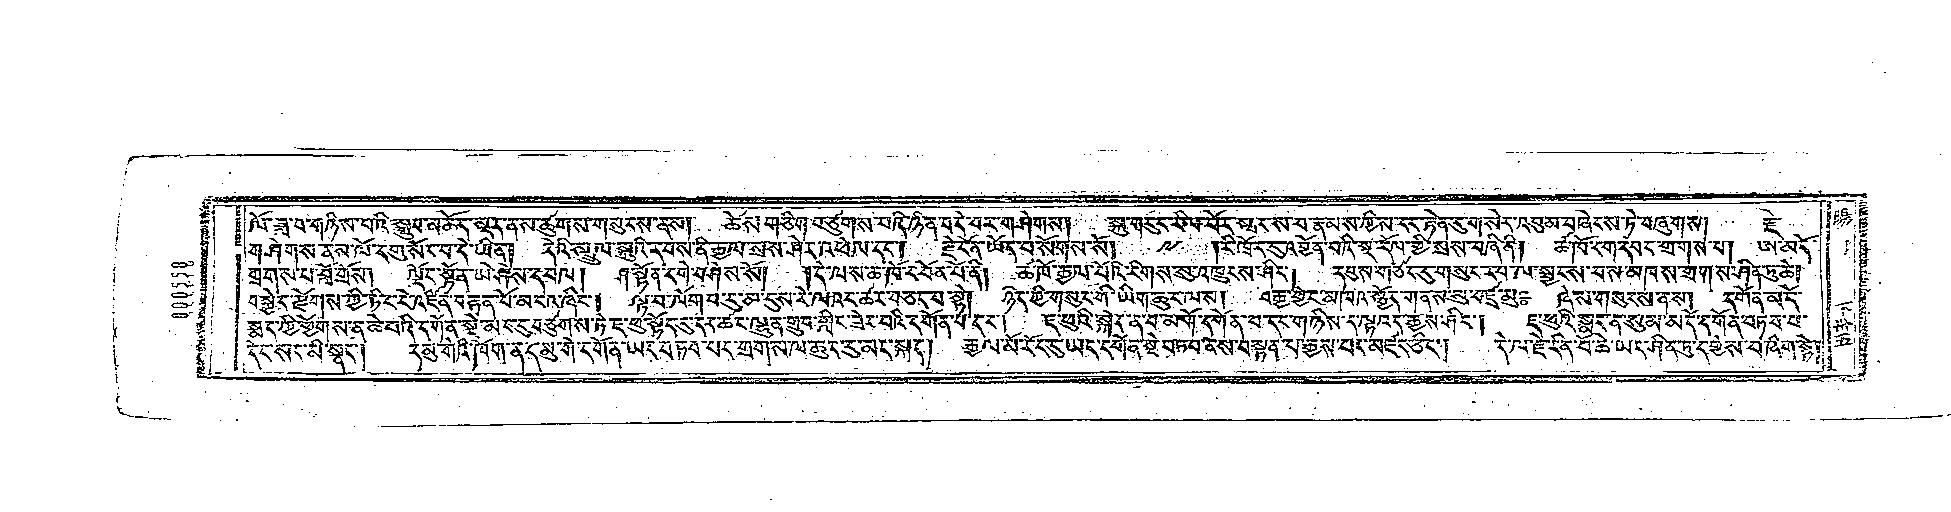ལོ་ཟླ་བ་གཉིས་པའི་སྒྲུབ་མཆོད་སྡར་ནས་ཚུགས་གསུངས་ནས། ཚེས་གཅིག་བཙུགས་པའི་ཉིན་བདེ་བར་གཤེགས། སྐུ་གདུང་རིལ་པོར་སྤང་ས་བ་རྣམས་ཀྱིས་དང་རྟེན་དུ་གསེར་འབུམ་བཞེངས་ཏེ་བཞུགས། རྗེ་
གཤེགས་ནས་ལོ་དགུ་སོང་བ་དེ་ཡིན། དེའི་སྤྲུལ་སྐུའི་རབས་ནི་རྒྱལ་སྲས་ཤེར་འཕེལ་དང་། རྗེ་དོན་ཡོད་པ་སོགས་སོ། ༧་།རི་ཁྲོད་དུ་འབྱོན་པའི་སྔ་རོལ་གྱི་སྲས་བཞི་ནི། ཚ་ཁོ་ངག་དབང་གྲགས་པ། ཨ་མདོ་
གྲགས་པ་བློ་གྲོས། ལྡོང་སྟོན་ཡེ་ཤེས་དབལ། ཤ་སྟོན་དགེ་བཤེས་སོ། །དེ་ལས་ཆ་ཁོ་དབོན་པོ་ནི། ཚ་ཁོ་རྒྱལ་པོའི་རིགས་སུ་འཁྲུངས་ཤིང་། དབུས་གཙང་དུ་གསུང་རབ་ལ་སྦྱངས་བས་མཁས་གྲགས་ཤིན་ཏུ་ཆེ།
བསྐྱེད་རྫོགས་ཀྱི་ཏིང་ངེ་འཛིན་བརྟན་པོ་མདའ་ཞིང་། ལྟ་བ་ལོག་པ་དུ་མ་དུས་རེ་ལའང་ཚར་བཅད་པ་སྟེ། ཉིད་ཀྱི་གསུང་གི་ཡིག་ཆུང་ལས། བརྒྱ་ཕྱེང་མཁའ་སྤྱོད་གནས་སུ་བཛྲ་མུཿ་ཞེས་གསུངས་ནས། དགོན་མདོ་
སྨད་ཀྱི་ཕྱོགས་ན་ཆེ་བའི་དགོན་སྡེ་མང་དུ་བཙུགས་ཏེ་ཇ་ཕུ་སྟོད་དུ་དར་ཚང་ལྷུན་གྲུབ་གླིང་ཟེར་བའི་དགོན་པ་དང་། ཇ་ཕུའི་སྐེད་ན་བ་མགོན་དགོན་བ་དང་གཉིས་ད་ལྟ་འང་རྒྱས་ཤིང་། ཇ་ཕུའི་སྨད་ན་སུམ་མདོ་དགོན་བཏབ་པ་
དེང་སང་མི་སྣང་། དམུ་གེའི་ཁོག་ནད་མུ་གེ་དགོན་ཡང་བཏབ་པར་གྲགས་ལ་ཆུང་དུ་མང་སྐད། རྒྱལ་མོ་རོང་དུ་ཡང་དགོན་སྡེ་བཏབ་ནས་བསྟན་པ་རྒྱས་པར་མཛད་ཅིང་། དེ་ལ་རྗེ་རིན་པོ་ཆེ་ཡང་ཤིན་ཏུ་དགྱེས་བ་ཞིག་སྟེ།